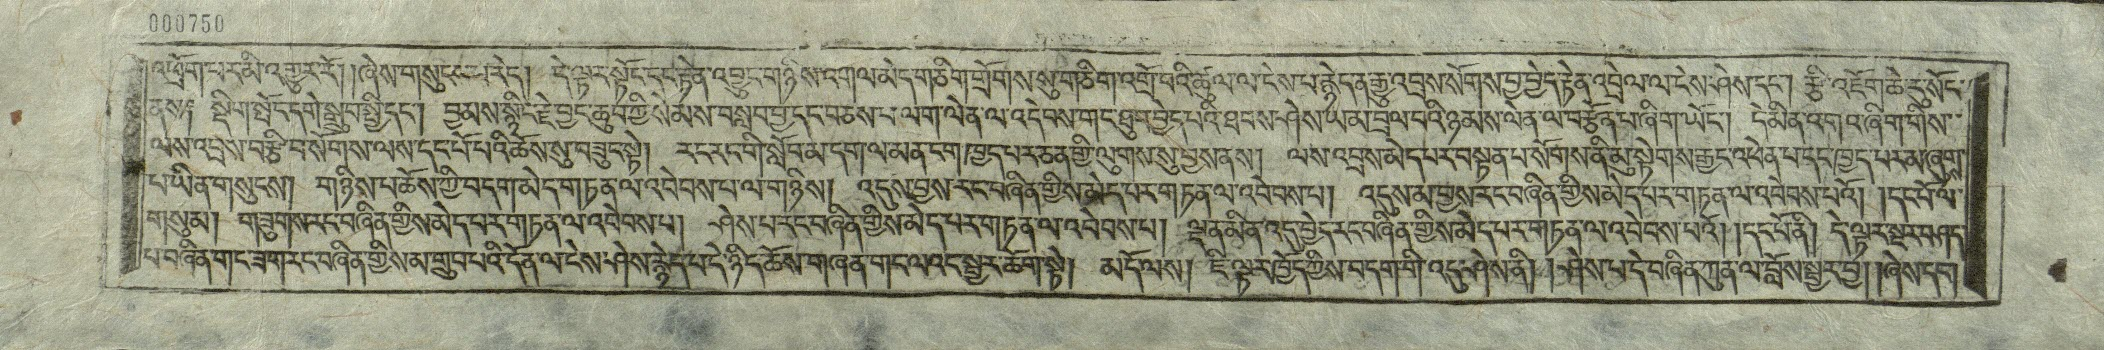འཕྲོག་པར་མི་འགྱུར་རོ། །ཞེས་གསུངས་པ་རེད། དེ་ལྟར་སྟོང་དང་རྟེན་འབྱུང་གཉིས་འགལ་མེད་གཅིག་གྲོགས་སུ་གཅིག་འགྲོ་བའི་ཚུལ་ལ་ངེས་པ་རྙེད་ན་རྒྱུ་འབྲས་སོགས་བྱ་བྱེད་རྟེན་འབྲེལ་ལ་ངེས་ཤེས་དང་། རྩི་འཇོག་ཆེ་རུ་སོང་
ནས༑ སྡིག་སྤོང་དགེ་སྒྲུབ་སྤྱི་དང་། བྱམས་སྙིང་རྗེ་བྱང་ཆུབ་ཀྱི་སེམས་བསླབ་བྱ་དང་བཅས་པ་ལག་ལེན་ལ་འདེབས་གང་ཐུབ་བྱེད་པའི་ཐབས་ཤེས་ཡ་མ་བྲལ་བའི་ཉམས་ལེན་ལ་བརྩོན་པ་ཞིག་ཡོང་། དེ་མིན་འགའ་ཞིག་གིས་
ལས་འབྲས་བརྩི་བ་སོགས་ལས་དང་པོ་པའི་ཆོས་སུ་བཟུང་སྟེ། རང་རང་གི་སློབ་མ་དག་ལ་མན་ངག་ཁྱད་པར་ཅན་གྱི་ལུགས་སུ་བྱས་ནས། ལས་འབྲས་མེད་པར་བསྟན་པ་སོགས་ནི་མུ་སྟེགས་རྒྱང་འཕེན་པ་དང་ཁྱད་པར་མ་ཞུགས་
པ་ཡིན་གསུངས། གཉིས་པ་ཆོས་ཀྱི་བདག་མེད་གཏན་ལ་འབེབས་པ་ལ་གཉིས། འདུས་བྱས་རང་བཞིན་གྱིས་མེད་པར་གཏན་ལ་འབེབས་པ། འདུས་མ་བྱས་རང་བཞིན་གྱིས་མེད་པར་གཏན་ལ་འབེབས་པའོ། །དང་པོ་ལ་
གསུམ། གཟུགས་རང་བཞིན་གྱིས་མེད་པར་གཏན་ལ་འབེབས་པ། ཤེས་པ་རང་བཞིན་གྱིས་མེད་པར་གཏན་ལ་འབེབས་པ། ལྡན་མིན་འདུ་བྱེད་རང་བཞིན་གྱིས་མེད་པར་གཏན་ལ་འབེབས་པའོ། །དང་པོ་ནི། དེ་ལྟར་སྔར་བཤས་
པ་བཞིན་གང་ཟག་རང་བཞིན་གྱིས་མ་གྲུབ་པའི་དོན་ལ་ངེས་ཤེས་རྙེད་པ་དེ་ཉིད་ཆོས་གཞན་གང་ལའང་སྦྱར་ཆོག་སྟེ། མདོ་ལས། ཇི་ལྟར་ཁྱོད་ཀྱིས་བདག་གི་འདུ་ཤེས་ནི། །ཤེས་པ་དེ་བཞིན་ཀུན་ལ་བློས་སྦྱར་བྱ། །ཞེས་དང་།